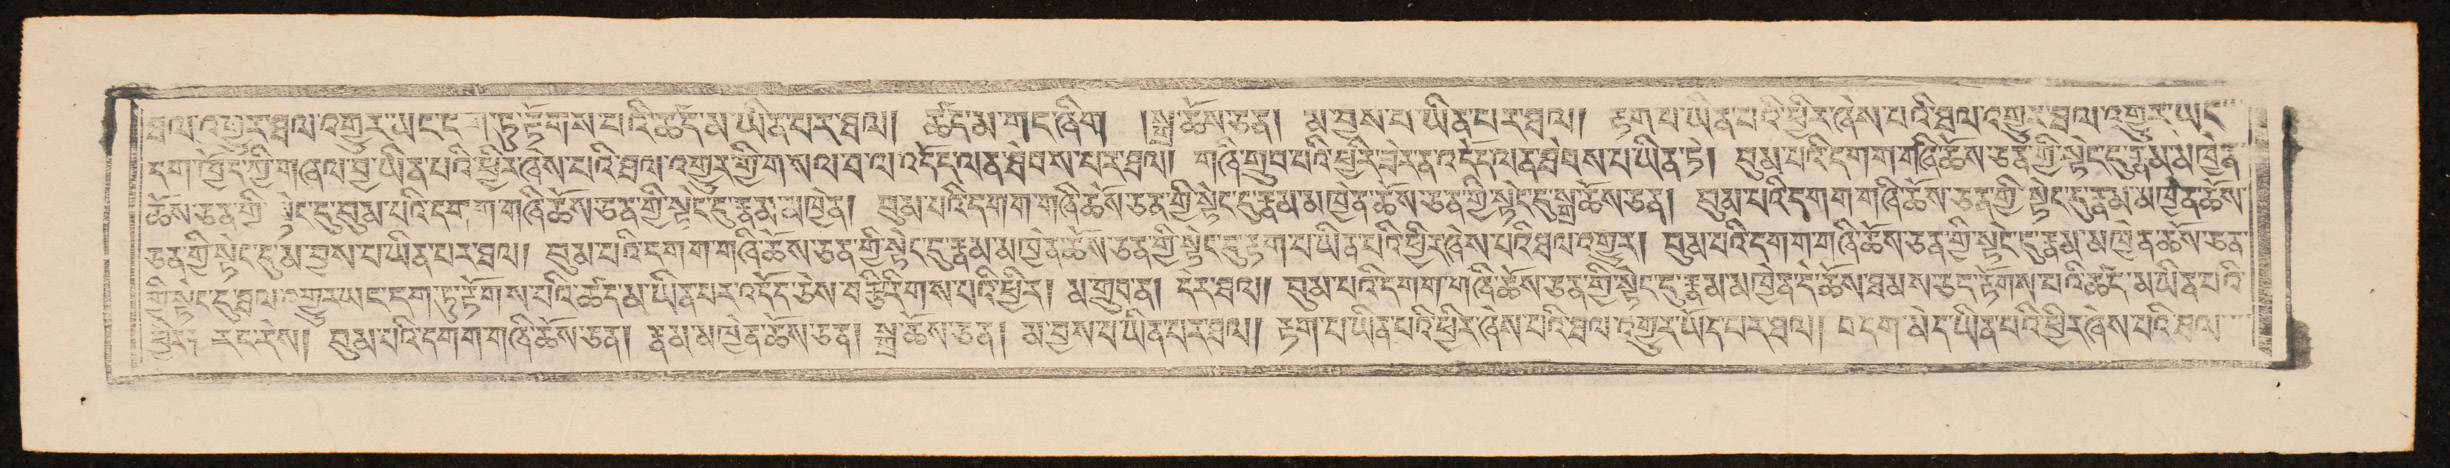ཐལ་འགྱུར་ཐལ་འགྱུར་ཡང་དག་ཏུ་རྟོགས་པའི་ཚད་མ་ཡིན་པར་ཐལ། ཚད་མ་གང་ཞིག །སྒྲ་ཆོས་ཅན། མ་བྱས་པ་ཡིན་པར་ཐལ། རྟག་པ་ཡིན་པའི་ཕྱིར་ཞེས་པའི་ཐལ་འགྱུར་ཐལ་འགྱུར་ཡང་
དག་ཁྱོད་ཀྱི་གཞལ་བྱ་ཡིན་པའི་ཕྱིར་ཞེས་པའི་ཐལ་འགྱུར་གྱི་གསལ་བ་ལ་འདོད་ལན་ཐེབས་པར་ཐལ། གཞི་གྲུབ་པའི་ཕྱིར་ཞེས་ཟེར་ན་འདོད་ལན་ཐེབས་པ་ཡིན་ཏེ། བུམ་པའི་དགག་གཞི་ཆོས་ཅན་གྱི་སྟེང་དུ་རྣམ་མཁྱེན་
ཆོས་ཅན་གྱི་སྟེང་དུ་བུམ་པའི་དགག་གཞི་ཆོས་ཅན་གྱི་སྟེང་དུ་རྣམ་མཁྱེན། བུམ་པའི་དགག་གཞི་ཆོས་ཅན་གྱི་སྟེང་དུ་རྣམ་མཁྱེན་ཆོས་ཅན་གྱི་སྟེང་དུ་སྒྲ་ཆོས་ཅན། བུམ་པའི་དགག་གཞི་ཆོས་ཅན་གྱི་སྟེང་དུ་རྣམ་མཁྱེན་ཆོས་
ཅན་གྱི་སྟེང་དུ་མ་བྱས་པ་ཡིན་པར་ཐལ། བུམ་པའི་དགག་གཞི་ཆོས་ཅན་གྱི་སྟེང་དུ་རྣམ་མཁྱེན་ཆོས་ཅན་གྱི་སྟེང་དུ་རྟག་པ་ཡིན་པའི་ཕྱིར་ཞེས་པའི་ཐལ་འགྱུར། བུམ་པའི་དགག་གཞི་ཆོས་ཅན་གྱི་སྟེང་དུ་རྣམ་མཁྱེན་ཆོས་ཅན་
གྱི་སྟེང་དུ་ཐལ་འགྱུར་ཡང་དག་ཏུ་རྟོགས་པའི་ཚད་མ་ཡིན་པར་འདོད་ཅེས་བརྩི་རིགས་པའི་ཕྱིར། མ་གྲུབ་ན། དེར་ཐལ། བུམ་པའི་དགག་གཞི་ཆོས་ཅན་གྱི་སྟེང་དུ་རྣམ་མཁྱེན་དེ་ཆོས་ཐམས་ཅད་རྟོགས་པའི་ཚད་མ་ཡིན་པའི་
ཕྱིར། རང་རེས། བུམ་པའི་དགག་གཞི་ཆོས་ཅན། རྣམ་མཁྱེན་ཆོས་ཅན། སྒྲ་ཆོས་ཅན། མ་བྱས་པ་ཡིན་པར་ཐལ། རྟག་པ་ཡིན་པའི་ཕྱིར་ཞེས་པའི་ཐལ་འགྱུར་ཡོད་པར་ཐལ། བདག་མེད་ཡིན་པའི་ཕྱིར་ཞེས་པའི་ཐལ་